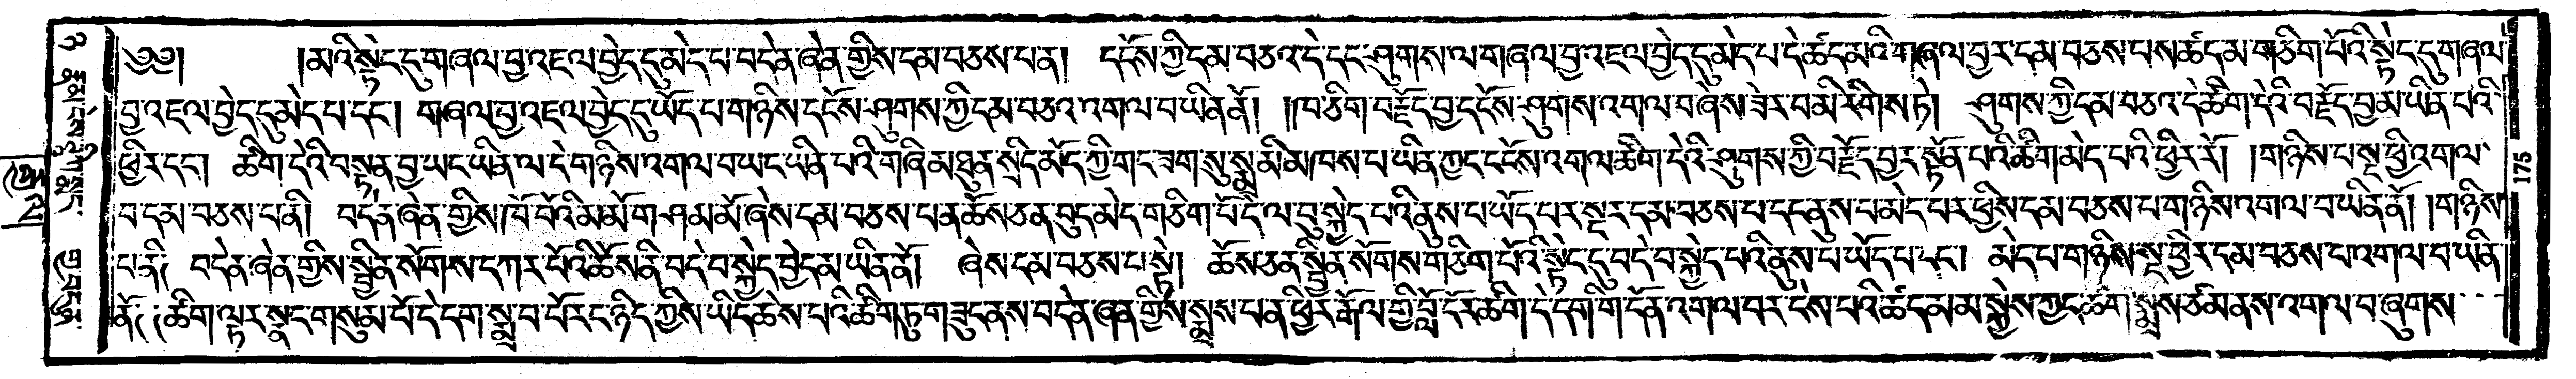༄༅། །མའི་སྟེང་དུ་གཞལ་བྱ་འཇལ་བྱེད་དུ་མེད་པ་བདེན་ཞེ་ན་གྱིས་དམ་བཅས་པ་ན། དངོས་ཀྱི་དམ་བཅའ་དེ་དང་ཤུགས་ལ་གཞལ་བྱ་འཇལ་བྱེད་དུ་མེད་པ་དེ་ཚད་མའི་གཞལ་བྱར་དམ་བཅས་པས་ཚད་མ་གཅིག་པོའི་སྟེང་དུ་གཞལ་
བྱ་འཇལ་བྱེད་དུ་མེད་པ་དང་། གཞལ་བྱ་འཇལ་བྱེད་དུ་ཡོད་པ་གཉིས་དངོས་ཤུགས་ཀྱི་དམ་བཅའ་འགལ་བ་ཡིན་ནོ། །ཁ་ཅིག་བརྗོད་བྱ་དངོས་ཤུགས་འགལ་བ་ཞེས་ཟེར་བ་མི་རིགས་ཏེ། ཤུགས་ཀྱི་དམ་བཅའ་དེ་ཚིག་དེའི་བརྗོད་བྱ་མ་ཡིན་པའི་
ཕྱིར་དང་། ཚིག་དེའི་བསྟན་བྱ་ཡང་ཡིན་ལ་དེ་གཉིས་འགལ་བ་ཡང་ཡིན་པའི་གཞི་མཐུན་སྲིད་མོད་ཀྱི་གང་ཟག་སུ་སྨྲ་མི་མཁས་པ་ཡིན་ཀྱང་དངོས་འགལ་ཚིག་དེའི་ཤུགས་ཀྱི་བརྗོད་བྱར་སྟོན་པའི་ཚིག་མེད་པའི་ཕྱིར་རོ་།གཉིས་པ་སྔ་ཕྱི་འགལ་
བ་དམ་བཅས་པ་ནི། བདེན་ཞེན་གྱིས་ཁོ་བོའི་མ་མོ་གཤམ་མོ་ཞེས་དམ་བཅས་པ་ན་ཆོས་ཅན་བུད་མེད་གཅིག་པོ་དེ་ལ་བུ་སྐྱེད་པའི་ནུས་པ་ཡོད་པར་སྔར་དམ་བཅས་པ་དང་ནུས་པ་མེད་པར་ཕྱིས་དམ་བཅས་པ་གཉིས་འགལ་བ་ཡིན་ནོ། །གཉིས་
པ་ནི༑ བདེན་ཞེན་གྱིས་སྦྱིན་སོགས་དཀར་པོའི་ཆོས་ནི་བདེ་བསྐྱེད་བྱེད་མ་ཡིན་ནོ། ཞེས་དམ་བཅས་པ་སྟེ། ཆོས་ཅན་སྦྱིན་སོགས་གཅིག་པོའི་སྟེང་དུ་བདེ་བ་སྐྱེད་པའི་ནུས་པ་ཡོད་པ་དང་། མེད་པ་གཉིས་སྔ་ཕྱིར་དམ་བཅས་པ་འགལ་བ་ཡིན་
ནོ༑ ༑ཚིག་ལྟར་སྣང་གསུམ་པོ་དེ་དག་སྨྲ་བ་པོ་རང་ཉིད་ཀྱིས་ཡིད་ཆེས་པའི་ཚིག་ཏུ་གཟུང་ནས་བདེན་ཞན་གྱིས་སྨྲས་པ་ན་ཕྱིར་རྒོལ་གྱི་བློ་ངོར་ཚིག་དེ་དག་གི་དོན་འགལ་བར་ངེས་པའི་ཚད་མ་མ་སྐྱེས་ཀྱང་ཚིག་སྨྲས་ཙམ་ནས་འགལ་བ་ཞུགས་